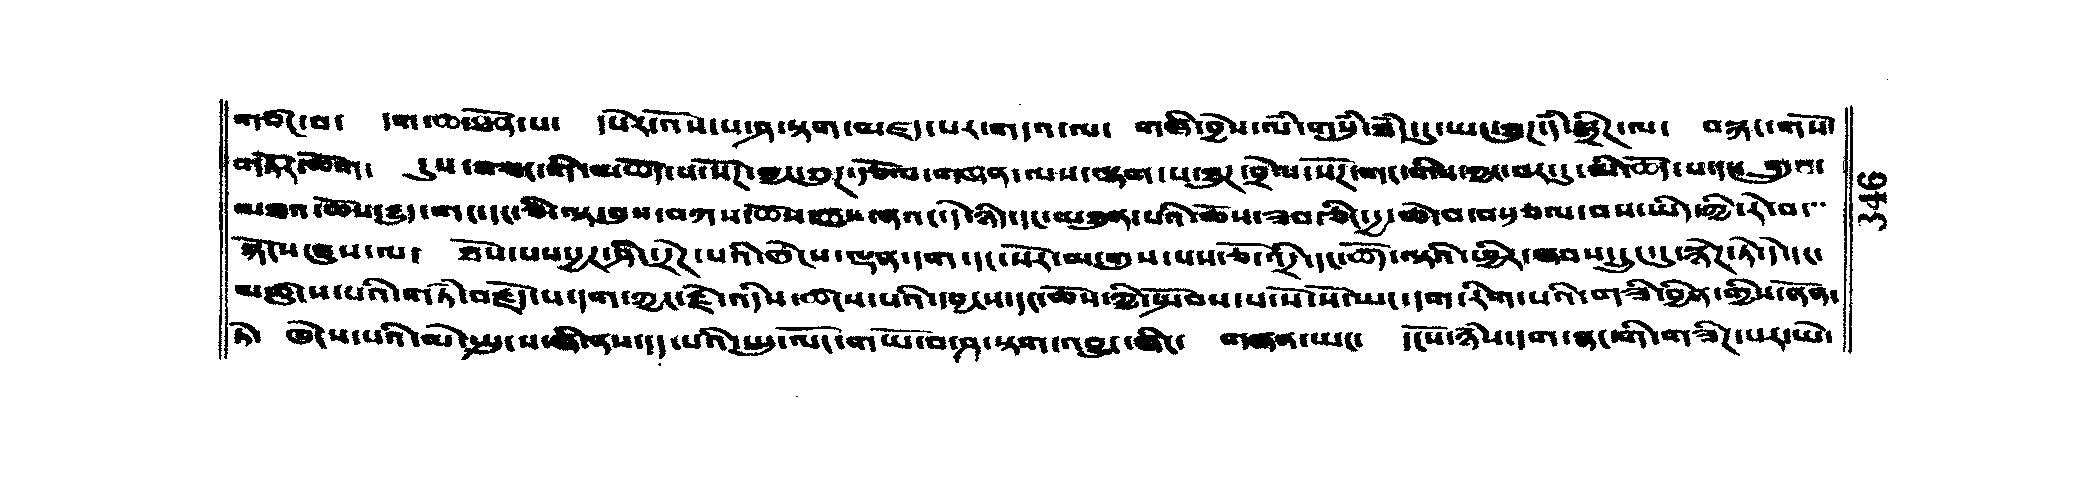གཙང་བ། དག་ཆ་ཐོན་པ། དཔེར་འོས་པ་ཤ་སྟག་མཛད་པར་གདའ་ལ། གཞི་བྱེས་ལམ་གསུམ་ཐམས་ཅད་དུ་ཡང་ཐུགས་དམ་སྒྲིགས་ལ། བསྐང་གསོ་
གཏོར་ཆོག དུས་བཟང་གི་མཆོད་པ་སོགས་ཀྱང་ཐུགས་རྩོལ་གཞན་ལས་ལྷག་པ་ཐུགས་བྲེལ་སོགས་གང་གིས་ཀྱང་བར་མི་ཆོད་པ་དང་། གྲུབ་
མཐའ་ཆོས་རྒྱུད་གང་དང་ཅི་ལྟ་བུས་བཀའ་ཆོས་ཞུས་ནའང་དེ་ཉིད་དང་མཐུན་པའི་ཆོས་ཟབ་ཅིང་རྒྱ་ཆེ་བ་བསྩལ་བས་ཡིད་ཀྱི་རེ་བ་
སྐོངས་ནུས་ལ། ཐོས་པས་རྒྱགས་ཤིང་དྲེགས་པའི་ཁེངས་ལྡན་དག དང་པོར་མ་གུས་པས་ཅོ་འདྲི་དང་ཚོད་ལྟའི་ཕྱིར་ཞབས་དྲུང་དུ་སྙེགས་ཏེ་དེ་དང་
མཚུངས་པའི་གཏམ་བརྗོད་པ་དག་ཀྱང་རྗེ་འདིས་ཚངས་པའི་དབྱངས་དང་ཆོས་ཀྱི་སྤོབས་པ་སོ་སོ་ཡང་དག་རིགས་པའི་གཟི་བྱིན་གྱིས་ནོན་
ཏེ། ཁེངས་པའི་མེ་སྤུངས་ཞི་ནས་དད་པའི་སྤུལ་ལོང་གཡོ་བ་ཤ་སྟག་འབྱུང་ཞིང་། གཞན་ཡང་། དངོས་ཉམས་དག་སྣང་གི་གཟིགས་པར་ཡེ་